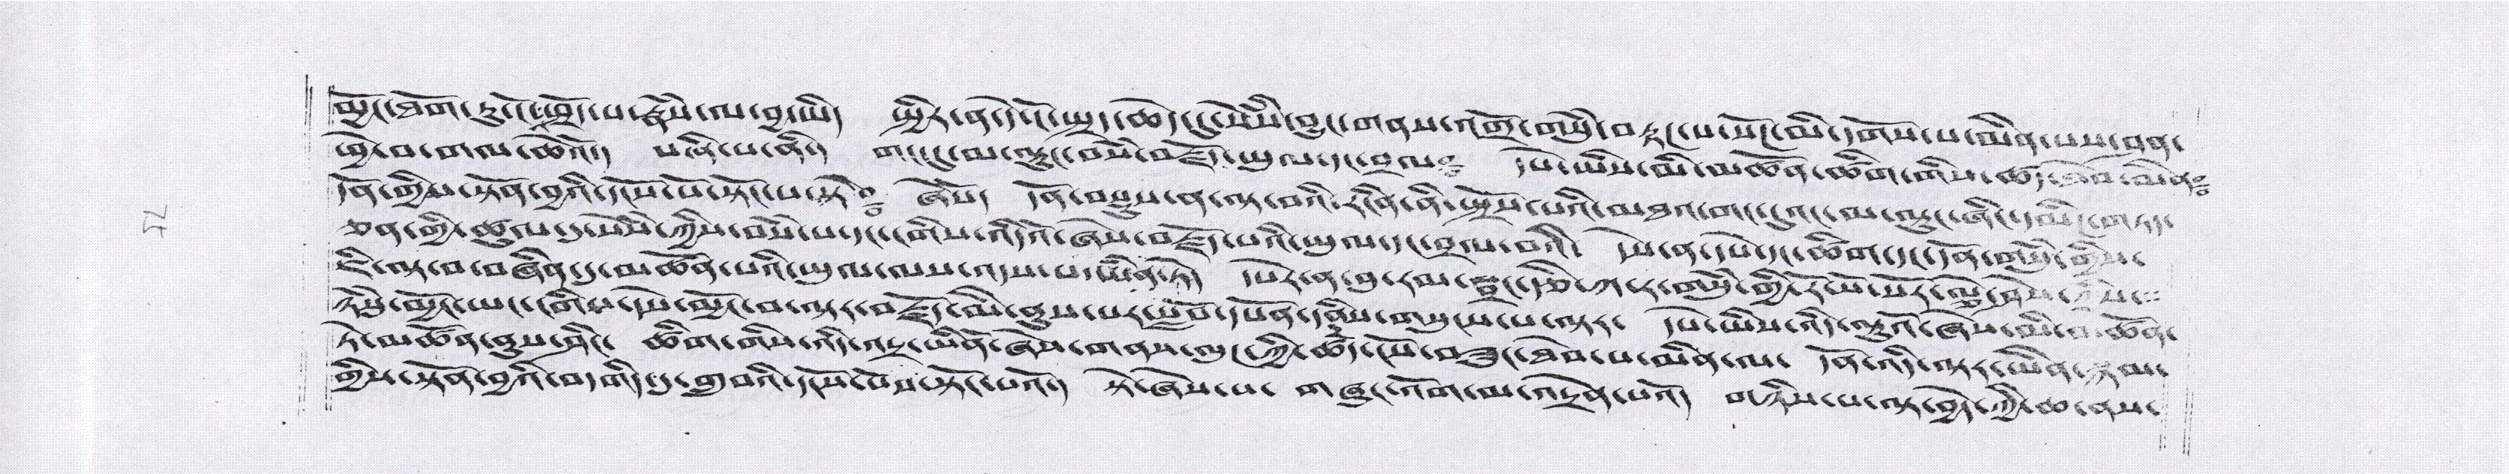མྱོང་ཐོག་ཏུ་ངོ་འཕྲོད་པ་རྣམས་ལ་བྱ་ཡི། སྤྱིར་ན་དེ་ངོ་སྤྲད་ཆེད་དུ་སེམས་བྱུང་གནས་འགྲོ་གསུམ་བརྟག་པ་སོགས་མི་དགོས་པ་མིན་པས་ཤན་
ཕྱེ་བ་གལ་ཆེའོ། བཞི་པ་ནི། གང་དུ་མ་ལྟུང་བསམ་བརྗོད་ཡུལ་དང་བྲལཿ དཔེ་ཡིས་མི་མཚོན་ཚིག་གིས་ཚད་ཐེབས་མིནཿ 
དོན་གྱིས་སྟོན་༼བསྟན༽བྱའི་དངོས་པོ་སྟོང་པ་སྟེཿ ཞེས་སོ། དོན་བསྡུས་ན་ལྟ་བའི་རང་བཞིན་ནི་སྤྲོས་པའི་མཐའ་གང་དུའང་མ་ལྟུང་ཞིང་དམིགས་གཏད་
ཅན་གྱི་ཚུལ་དུ་སེམས་ཀྱིས་བསམ་པ་དང་ངག་གིས་འདིའོ་ཞེས་བརྗོད་པའི་ཡུལ་དང་བྲལ་བའི། དེས་ན་དཔེ་དང་ཚིག་དང་དོན་གསུམ་གྱིས་
ཇི་ལྟ་བ་བཞིན་དུ་མཚོན་པའི་ཡུལ་ལས་འདས་པ་ཡིན་ཏེ། དཔེར་ན་བུ་རམ་སྦྲང་རྩི་ཀ་ར་གསུམ་གྱི་རོ་སོ་སོར་ལྕེ་ཤེས་ཀྱིས་
ཉམས་སུ་མྱོང་ཡང་ངག་གིས་དེས་མྱོང་བ་ལྟར་བརྗོད་མི་ནུས་པར་སློབ་དཔོན་དནྜིས་གསུངས་པ་ལྟར། དཔེ་ཡིས་འདི་ལྟ་བུའོ་ཞེས་མི་མཚོན་
ཏེ་མཚོན་༼མི་༽ནུས་ཤིང་། ཚིག་གིས་འདི་འདྲ་ཡིན་ནོ་ཞེས་གནས་ལུགས་ཀྱི་ཚད་ངོས་བཟུང་ཐེབས་པ་མིན་ལ། དོན་འདི་ལྟར་ཡིན་སྙམ་
གྱིས་སྟོན་བྱའི་བདག་ཉིད་དུ་གྲུབ་པའི་དངོས་པོས་སྟོང་པའོ། སྟེ་ཞེས་པ་གཞུང་འོག་མ་འདྲེན་པའོ། གཉིས་པ་ལྟ་བྱེད་ཀྱི་ཆ་ནས་